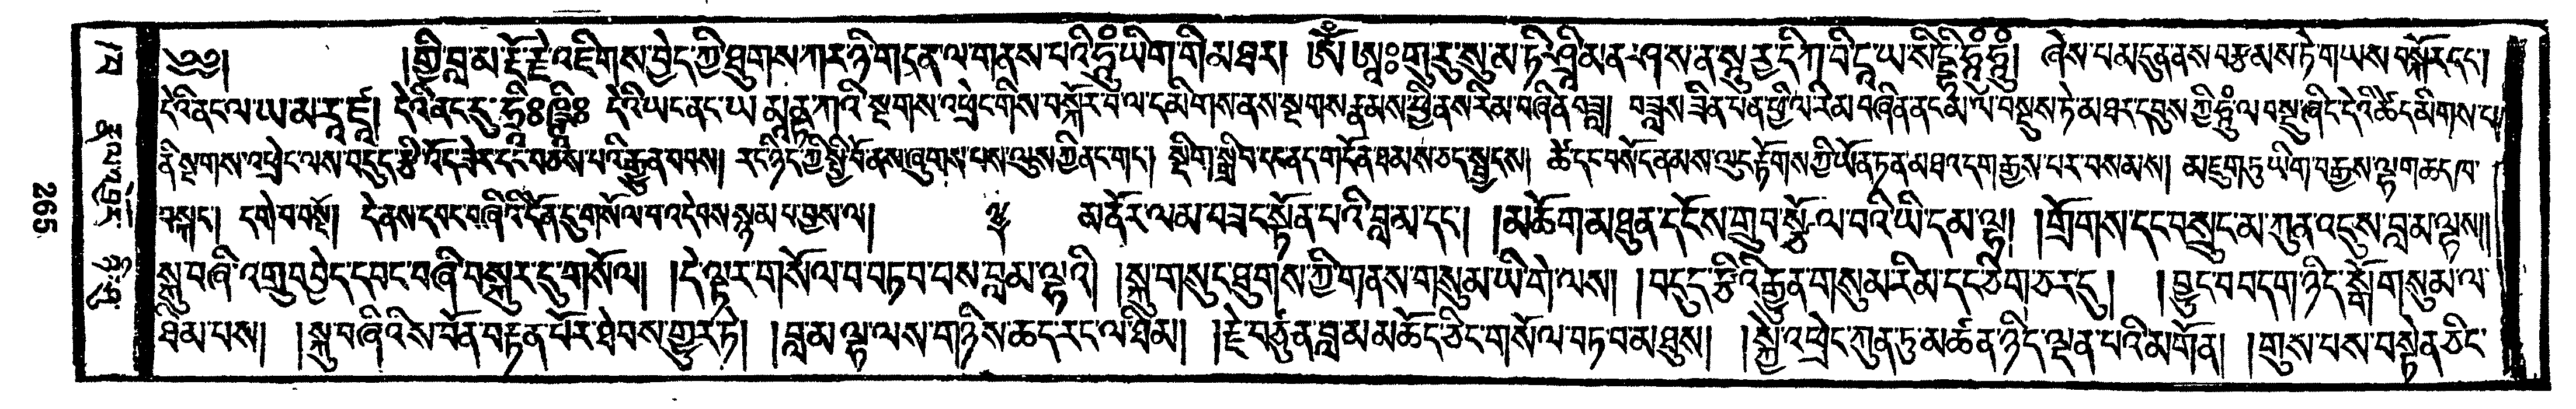༄༅། །གྱི་བླ་མ་རྡོ་རྗེ་འཇིགས་བྱེད་ཀྱི་ཐུགས་ཀར་ཉི་གདན་ལ་གནས་པའི་ཧཱུཾ་ཡིག་གི་མཐར། ཨོཾ་ཨཱཿ གུ་རུ་སུ་མ་ཏི་ཤྲཱི་མན་ཤ་ས་ན་སཱུ་རྱ་དི་ཀ་བི་དཱ་ཡ་སིདྡྷི་ཧཱུཾ་ཧཱུཾ། ཞེས་པ་མདུན་ནས་བརྩམས་ཏེ་གཡས་བསྐོར་དང་།
དེའི་ནང་ལ་ཡ་མ་རཱ་ཛཱ། དེའི་ནང་དུ་ཧྲཱིཿ ཥྚཱིཿ དེའི་ཡང་ནང་ཡ་མཱནྟ་ཀའི་སྔགས་འཕྲེང་གིས་བསྐོར་བ་ལ་དམིགས་ནས་སྔགས་རྣམས་ཕྱི་ནས་རིམ་བཞིན་བཟླ། བཟླས་ཟིན་པ་ན་ཕྱི་ལ་རིམ་བཞིན་ནང་མ་ལ་བསྡུས་ཏེ་མཐར་དབུས་ཀྱི་ཧཱུཾ་ལ་བསྡུ་ཞིང་དེའི་ཚེ་དམིགས་པ་
ནི་སྔགས་འཕྲེང་ལས་བདུད་རྩི་འོད་ཟེར་དང་བཅས་པའི་རྒྱུན་བབས། རང་ཉིད་ཀྱི་སྤྱི་བོ་ནས་ཞུགས་པས་ལུས་ཀྱི་ནང་གང་། སྡིག་སྒྲིབ་དང་ནད་གདོན་ཐམས་ཅད་སྦྱངས། ཚེ་དང་བསོད་ནམས་ལུང་རྟོགས་ཀྱི་ཡོན་ཏན་མཐའ་དག་རྒྱས་པར་བསམས། མཇུག་ཏུ་ཡིག་བརྒྱས་ལྷག་ཆད་ཁ་
བསྐང་། དགེ་བ་བསྔོ། དེ་ནས་དབང་བཞིའི་དོན་དུ་གསོལ་བ་འདེབས་སྙམ་པ་བྱས་ལ། ༈ མ་ནོར་ལམ་བཟང་སྟོན་པའི་བླ་མ་དང་། །མཆོག་མཐུན་དངོས་གྲུབ་སྩོལ་བའི་ཡི་དམ་ལྷ། །གྲོགས་དང་བསྲུང་མ་ཀུན་འདུས་བླ་མ་ལྟས།།
སྐུ་བཞི་འགྲུབ་བྱེད་དབང་བཞི་བསྐུར་དུ་གསོལ། །དེ་ལྟར་གསོལ་བ་བཏབ་པས་བླ་མ་ལྷའི། །སྐུ་གསུང་ཐུགས་ཀྱི་གནས་གསུམ་ཡི་གེ་ལས། །བདུད་རྩིའི་རྒྱུན་གསུམ་རིམ་དང་ཅིག་ཅར་དུ། །བྱུང་བ་བདག་ཉིད་སྒོ་གསུམ་ལ་
ཐིམ་པས། །སྐུ་བཞིའི་ས་བོན་བརྟན་པོར་ཐེབས་གྱུར་ཏེ། །བླ་མ་ལྷ་ལས་གཉིས་ཆད་རང་ལ་ཐིམ། །རྗེ་བཙུན་བླ་མ་མཆོད་ཅིང་གསོལ་བཏབ་མཐུས། །སྐྱེ་འཕྲེང་ཀུན་ཏུ་མཚན་ཉིད་ལྡན་པའི་མགོན། །གུས་པས་བསྟེན་ཅིང་